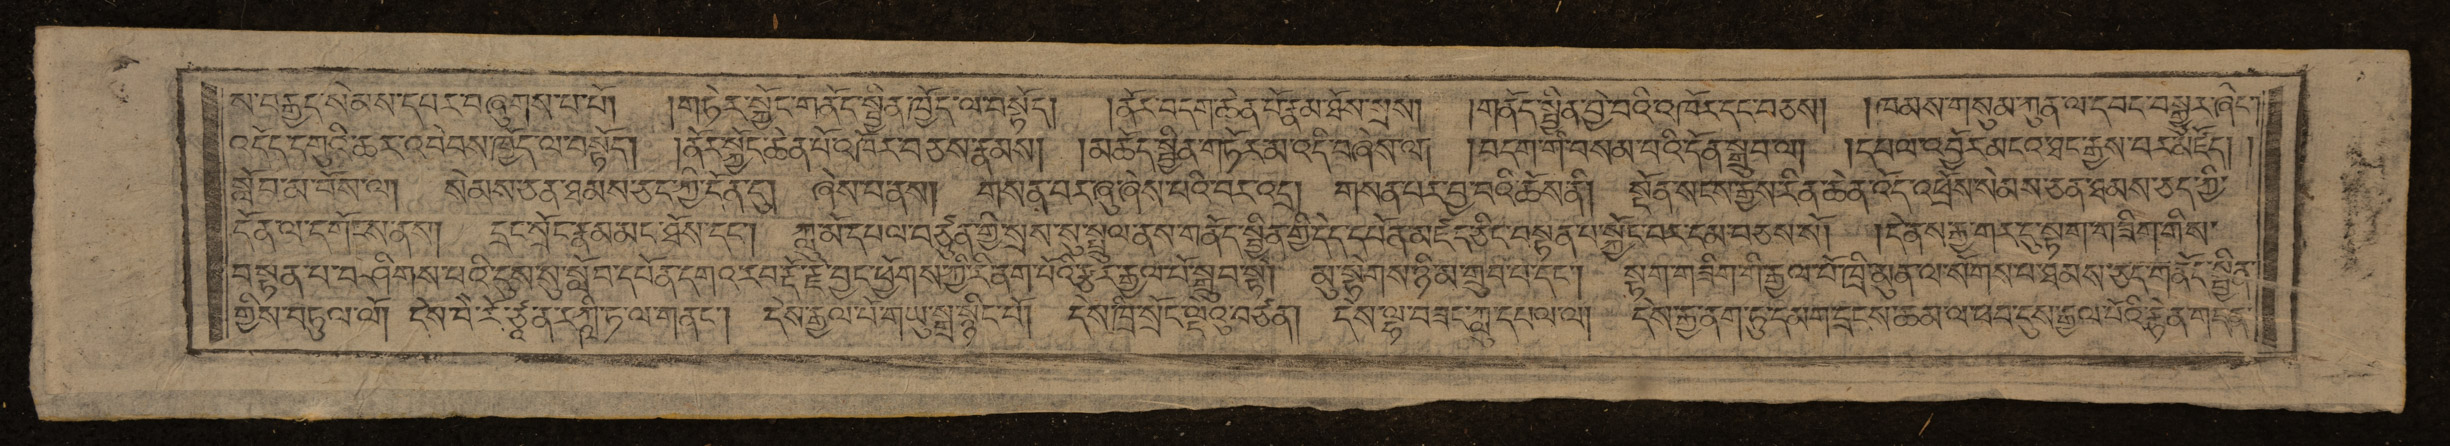ས་བརྒྱད་སེམས་དཔར་བཞུགས་པ་པོ། །གཏེར་སྐྱོང་གནོད་སྦྱིན་ཁྱོད་ལ་བསྟོད། །ནོར་བདག་ཆེན་པོ་རྣམ་ཐོས་སྲས། །གནོད་སྦྱིན་བྱེ་བའི་འཁོར་དང་བཅས། །ཁམས་གསུམ་ཀུན་ལ་དབང་བསྒྱུར་ཞིང་།
འདོད་དགུའི་ཆར་འབེབས་ཁྱོད་ལ་བསྟོད། །ནོར་སྐྱོང་ཆེན་པོ་འཁོར་བཅས་རྣམས། །མཆོད་སྦྱིན་གཏོར་མ་འདི་བཞེས་ལ། །བདག་གི་བསམ་པའི་དོན་སྒྲུབ་ལ། །དཔལ་འབྱོར་མངའ་ཐང་རྒྱས་བར་མཛོད། །
སློབ་མ་བོས་ལ། སེམས་ཅན་ཐམས་ཅད་ཀྱི་དོན་དུ། ཞེས་པ་ནས། གསན་པར་ཞུ་ཞེས་པའི་བར་འདྲ། གསན་པར་བྱ་བའི་ཆོས་ནི། སྔོན་སངས་རྒྱས་རིན་ཆེན་འོད་འཕྲོས་སེམས་ཅན་ཐམས་ཅད་ཀྱི་
དོན་ལ་དགོངས་ནས། དྲང་སྲོང་རྣམ་མང་ཐོས་དང་། ཀླུ་མོ་དཔལ་བཙུན་གྱི་སྲས་སུ་སྤྲུལ་ནས་གནོད་སྦྱིན་གྱི་དེད་དཔོན་མཛད་ཅིང་བསྟན་པ་སྐྱོང་བར་དམ་བཅས་སོ། །དེ་ནས་རྒྱ་གར་དུ་སྟག་གཟིག་གིས་
བསྟན་པ་བཤིགས་པའི་དུས་སུ་སློབ་དཔོན་དགའ་རབ་རྡོ་རྗེ་བྱང་ཕྱོགས་ཀྱི་རི་ནག་པོའི་རྩེར་རྒྱལ་པོ་སྒྲུབ་སྟེ། མུ་སྟེགས་ཉི་མ་གྲུབ་པ་དང་། སྟག་གཟིག་གི་རྒྱལ་པོ་ཁྲི་མུན་ལ་སོགས་པ་ཐམས་ཅད་གནོད་སྦྱིན་
གྱིས་བཏུལ་ལོ། དེས་བཻ་རོ་ཙཱ་ན་རཀྵི་ཏ་ལ་གནང་། དེས་རྒྱལ་པོ་གཡུ་སྒྲ་སྙིང་པོ། དེས་ཁྲི་སྲོང་ལྡེའུ་བཙན། དེས་ལྷ་བཟང་ཀླུ་དཔལ་ལ། དེས་རྒྱ་ནག་ཏུ་དམག་དྲངས་ཆམ་ལ་ཕབ་དུས་རྒྱལ་པོའི་རྟེན་གདན་